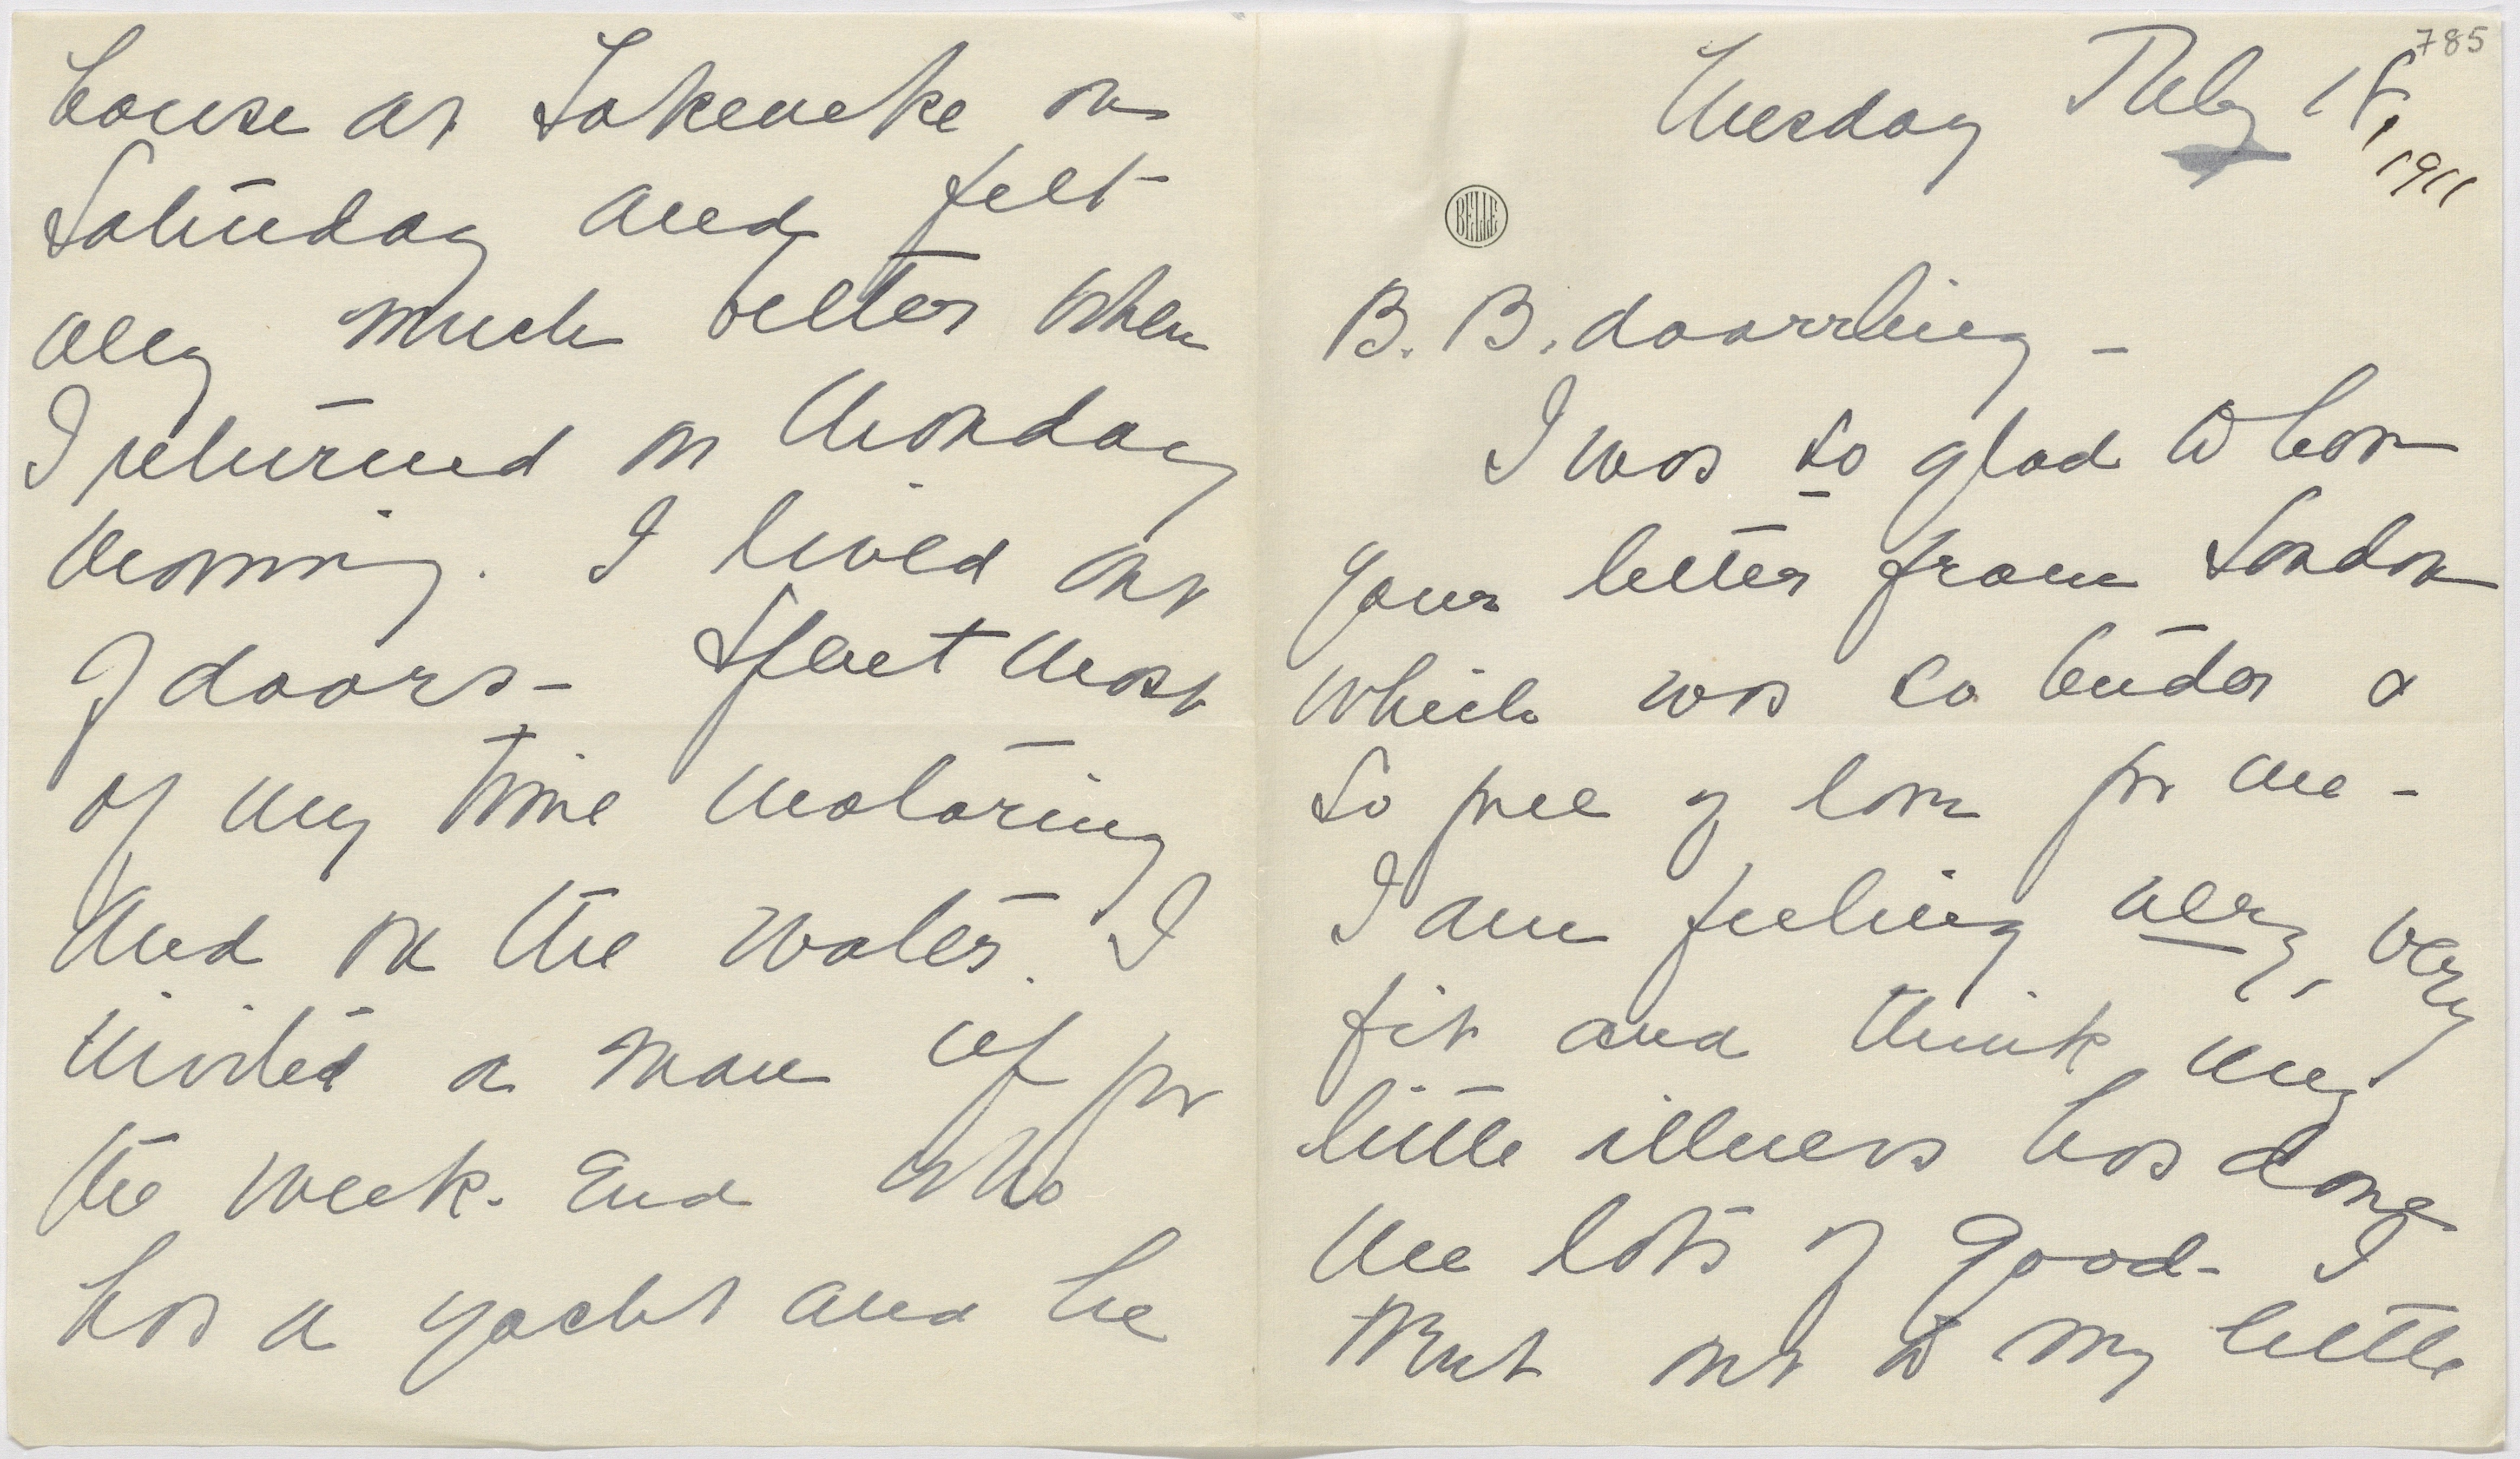Tuesday July 18
—
B. B. daarrling –
I was so glad to have you letter from London which was so tender & so full of love for me – I am feeling very, very fit and think my little illness has done me lots of good – I went out to my little
house at Tokeneke on Saturday and felt very much better when I returned on Monday morning. I lived out of doors – spent most of my time motoring and on the water. I invited a man up for the week-end who has a yacht and he